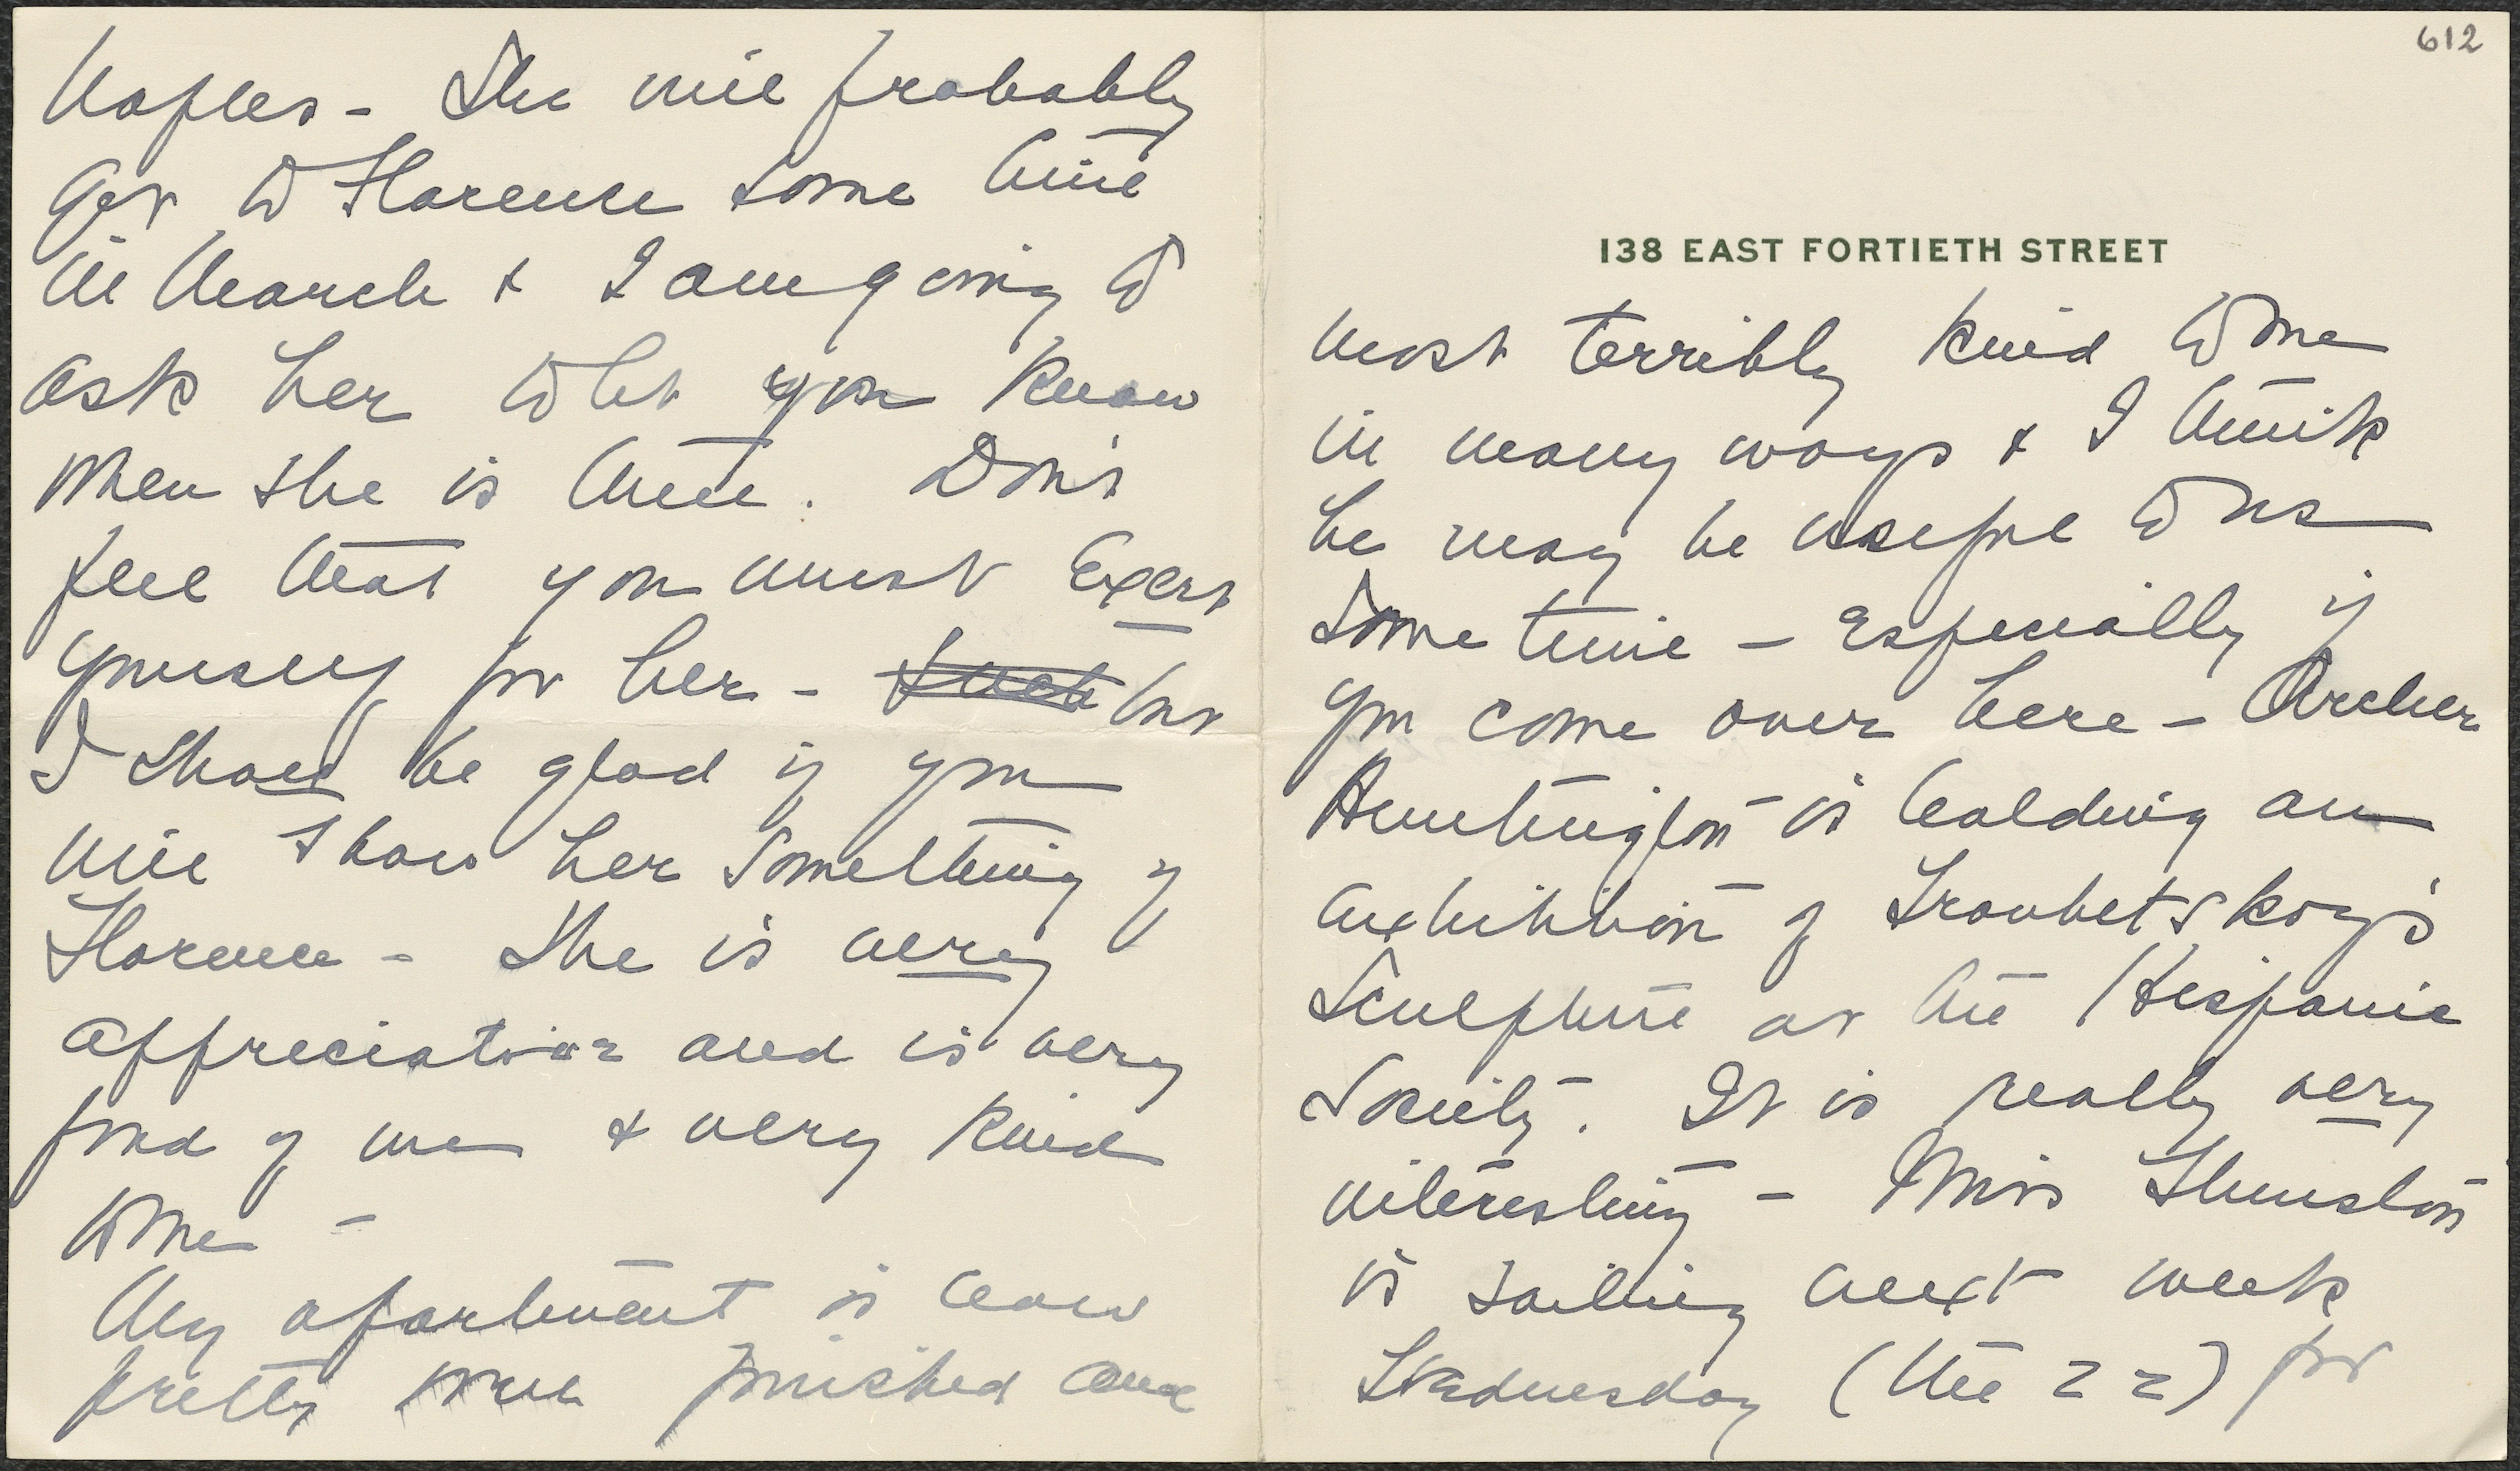most terribly kind to me in many ways & I think he may be useful to us some time – especially if you come over here – Archer Huntington is holding an exhibition of Troubetzkoys’ sculpture at the Hispanic Society. It is really very interesting – Miss Thurston is sailing next week Wednesday (the 22) for
Naples – She will probably get to Florence some time in March & I am going to ask her to let you know when she is there. Don’t feel that you must exert yourself for her – & not but I shall be glad if you will show her something of Florence – She is very appreciative and is very fond of me & very kind to me –
My apartment is now pretty well finished and